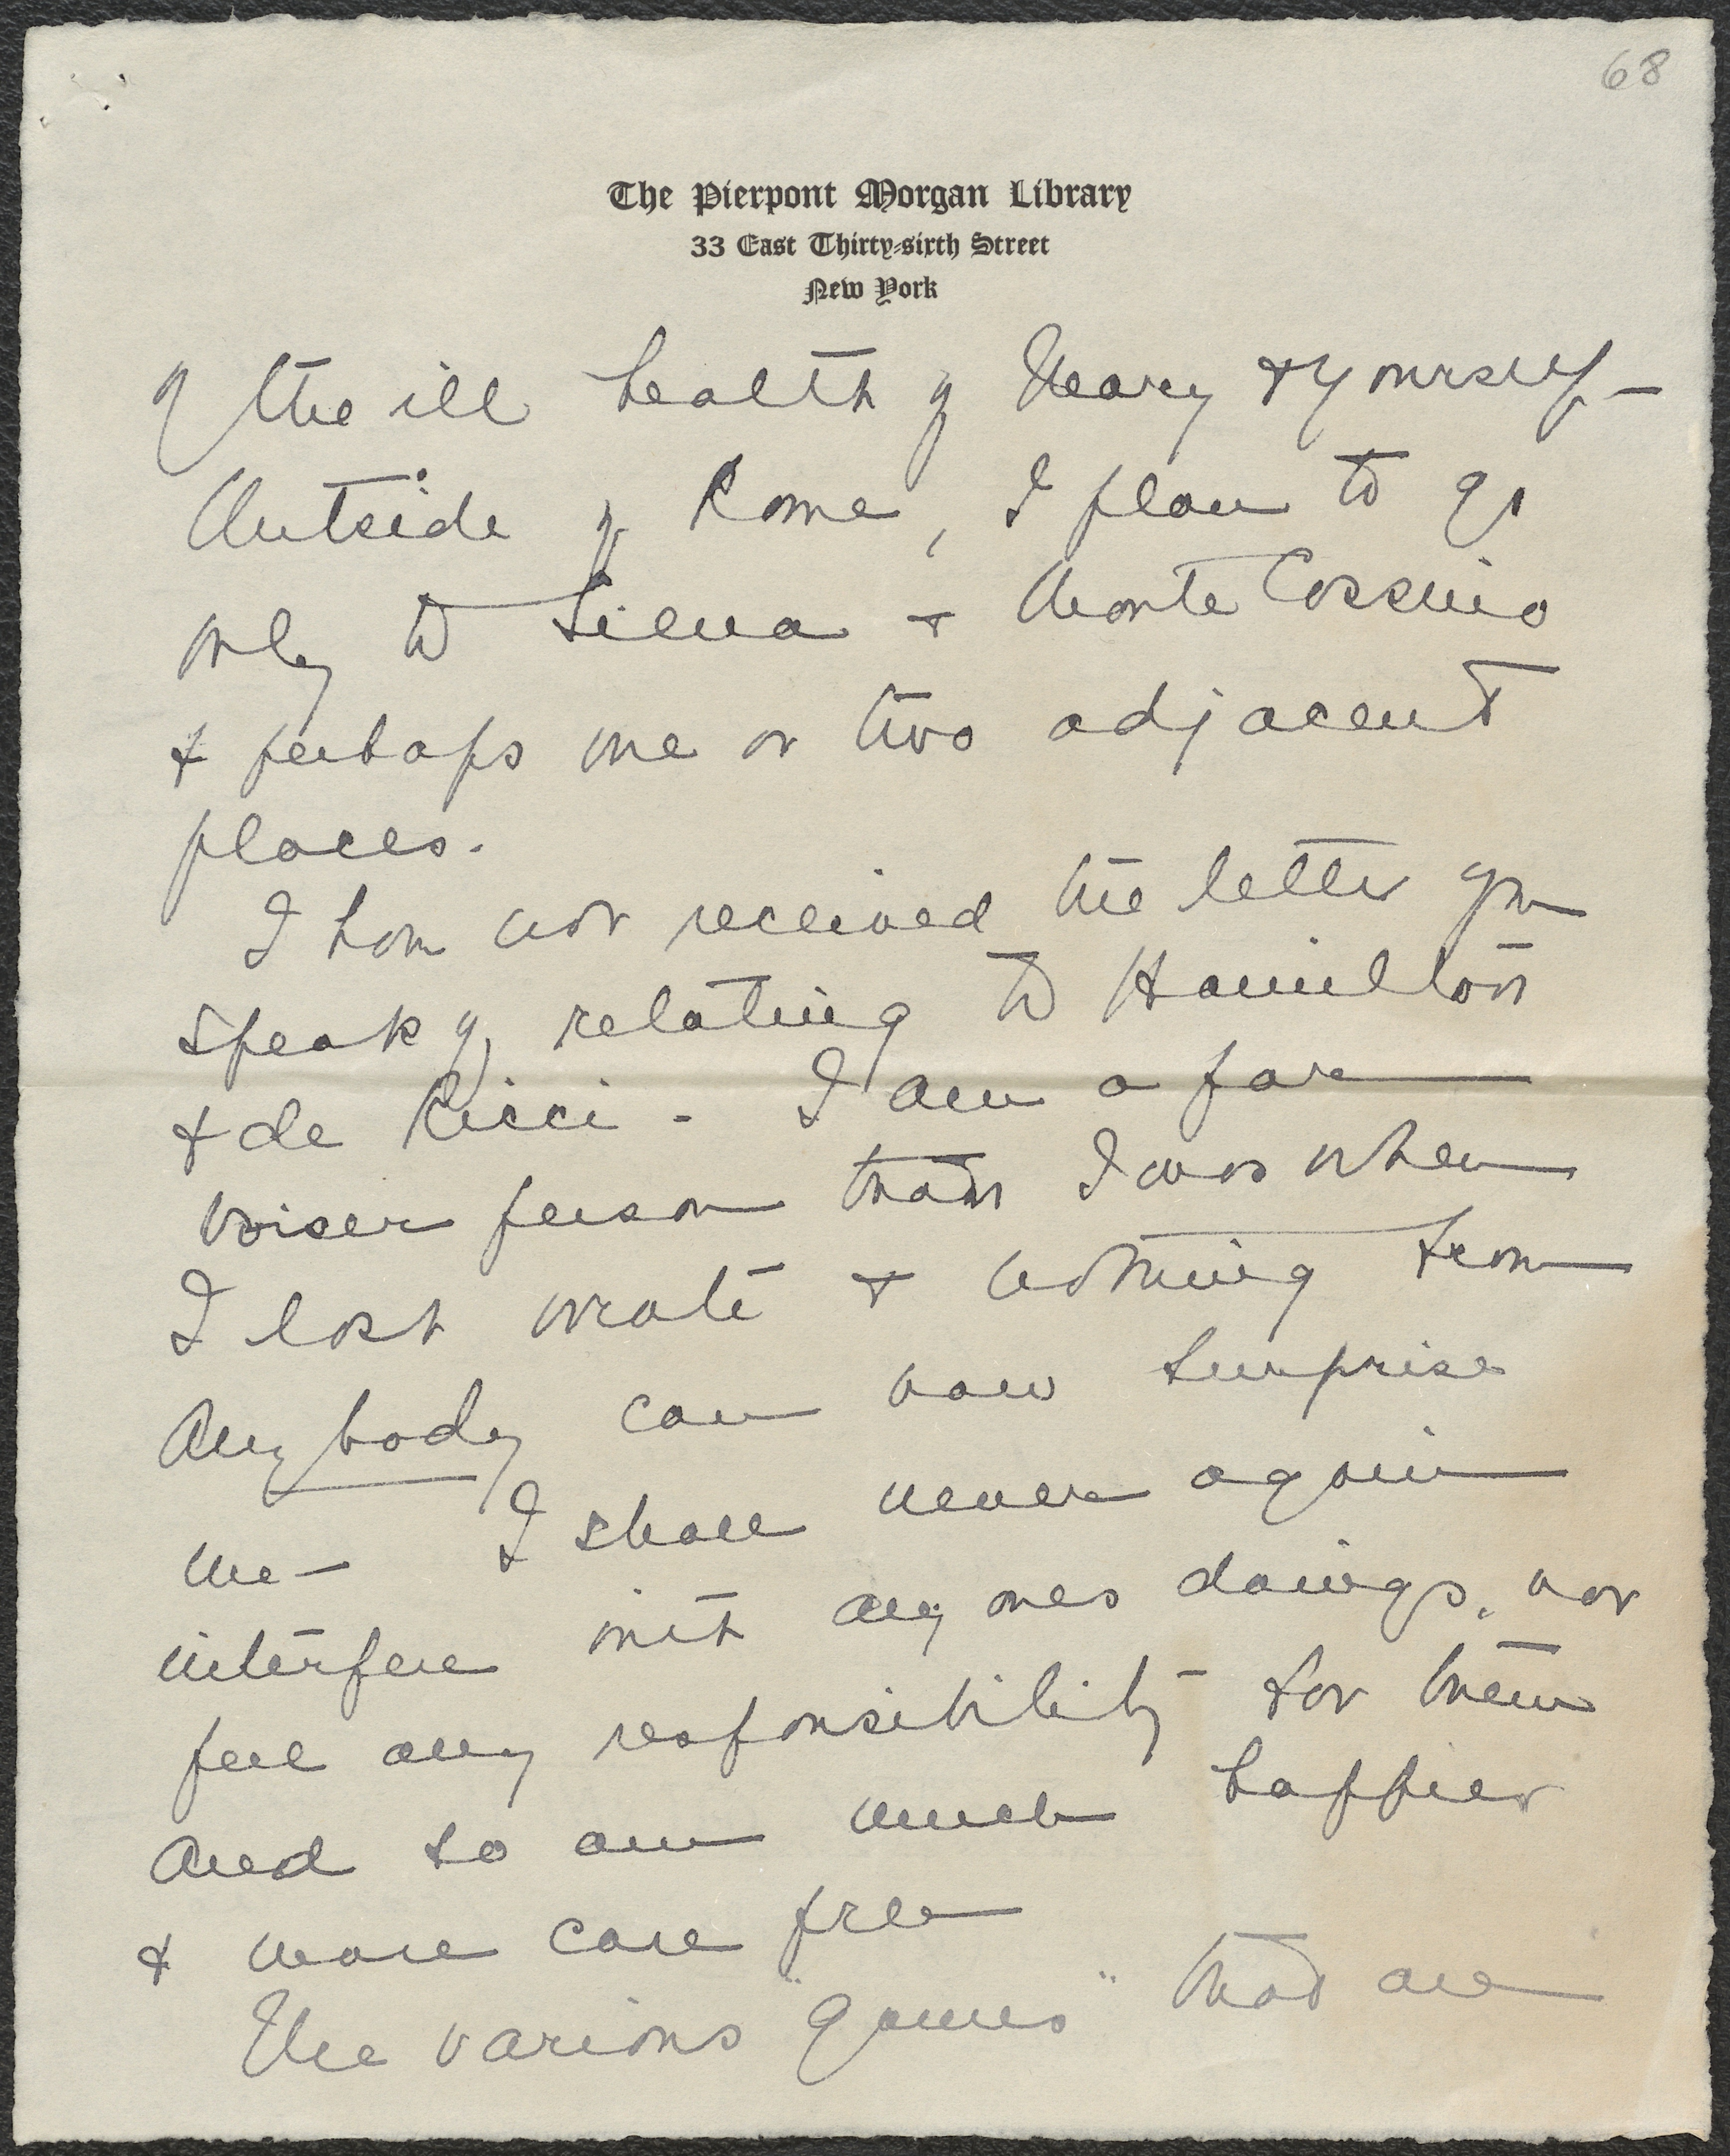of the ill health of Mary & yourself – Outside of Rome, I plan to go only to Siena & Monte Cassino & perhaps one or two adjacent places.
I have not received the letter you speak of relating to Hamilton & de Ricci. I am a far wiser person than I was when I last wrote & nothing from anybody can now surprise me – I shall never again interfere with any ones doings, nor feel any responsibility for them and so am much happier & more care free
The various "games" that are